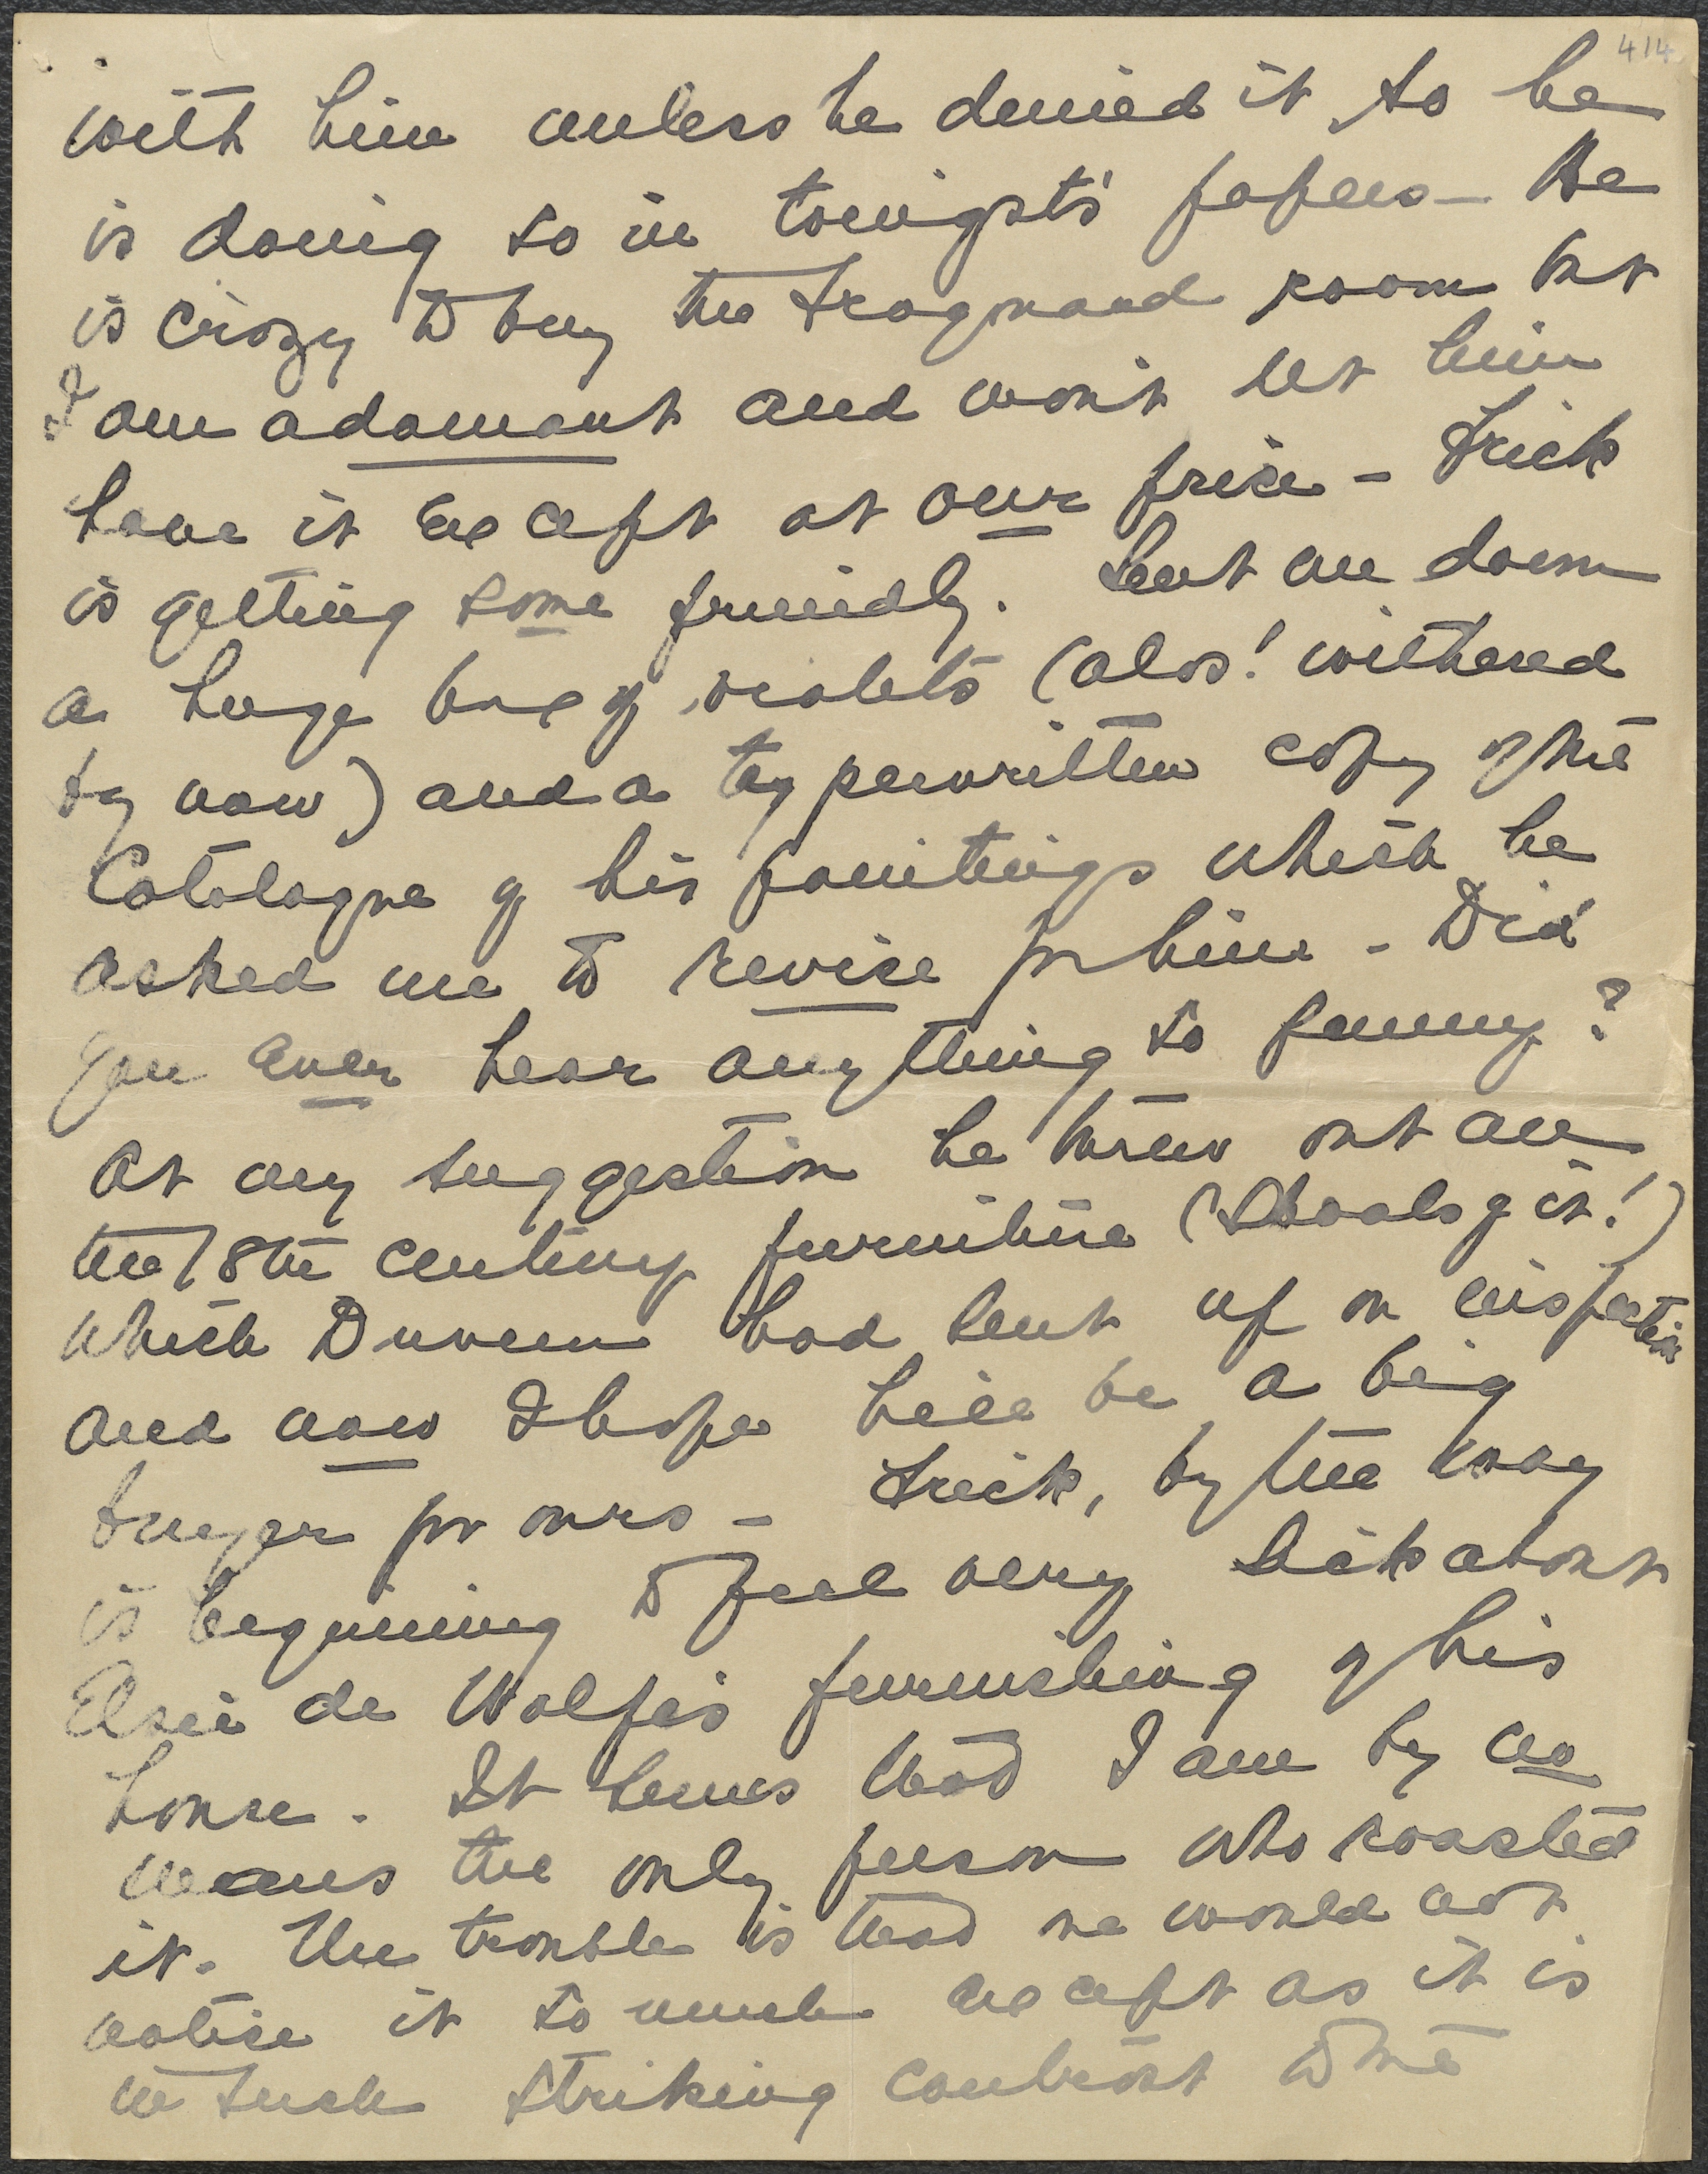with him unless he denied it so he is doing so in tonight’s papers – He is crazy to buy the Fragonard room but I am adamant and won’t let him have it except at our price – Frick is getting some friendly. Sent me down a huge box of violets (alas! withered by now) and a typewritten copy of the catalogue of his paintings which he asked me to revise for him – Did you ever hear anything so funny? At my suggestion he threw out all the 18th century furniture (shoals of it!) which Duveen had sent up on inspection and now I hope will be a big buyer for ours – Frick, by the way is beginning to feel very sick about Elsie de Wolfe’s furnishing of his house. It seems that I am by no means the only person who roasted it. The trouble is that one would not notice it so much except as it is in such striking contrast to the